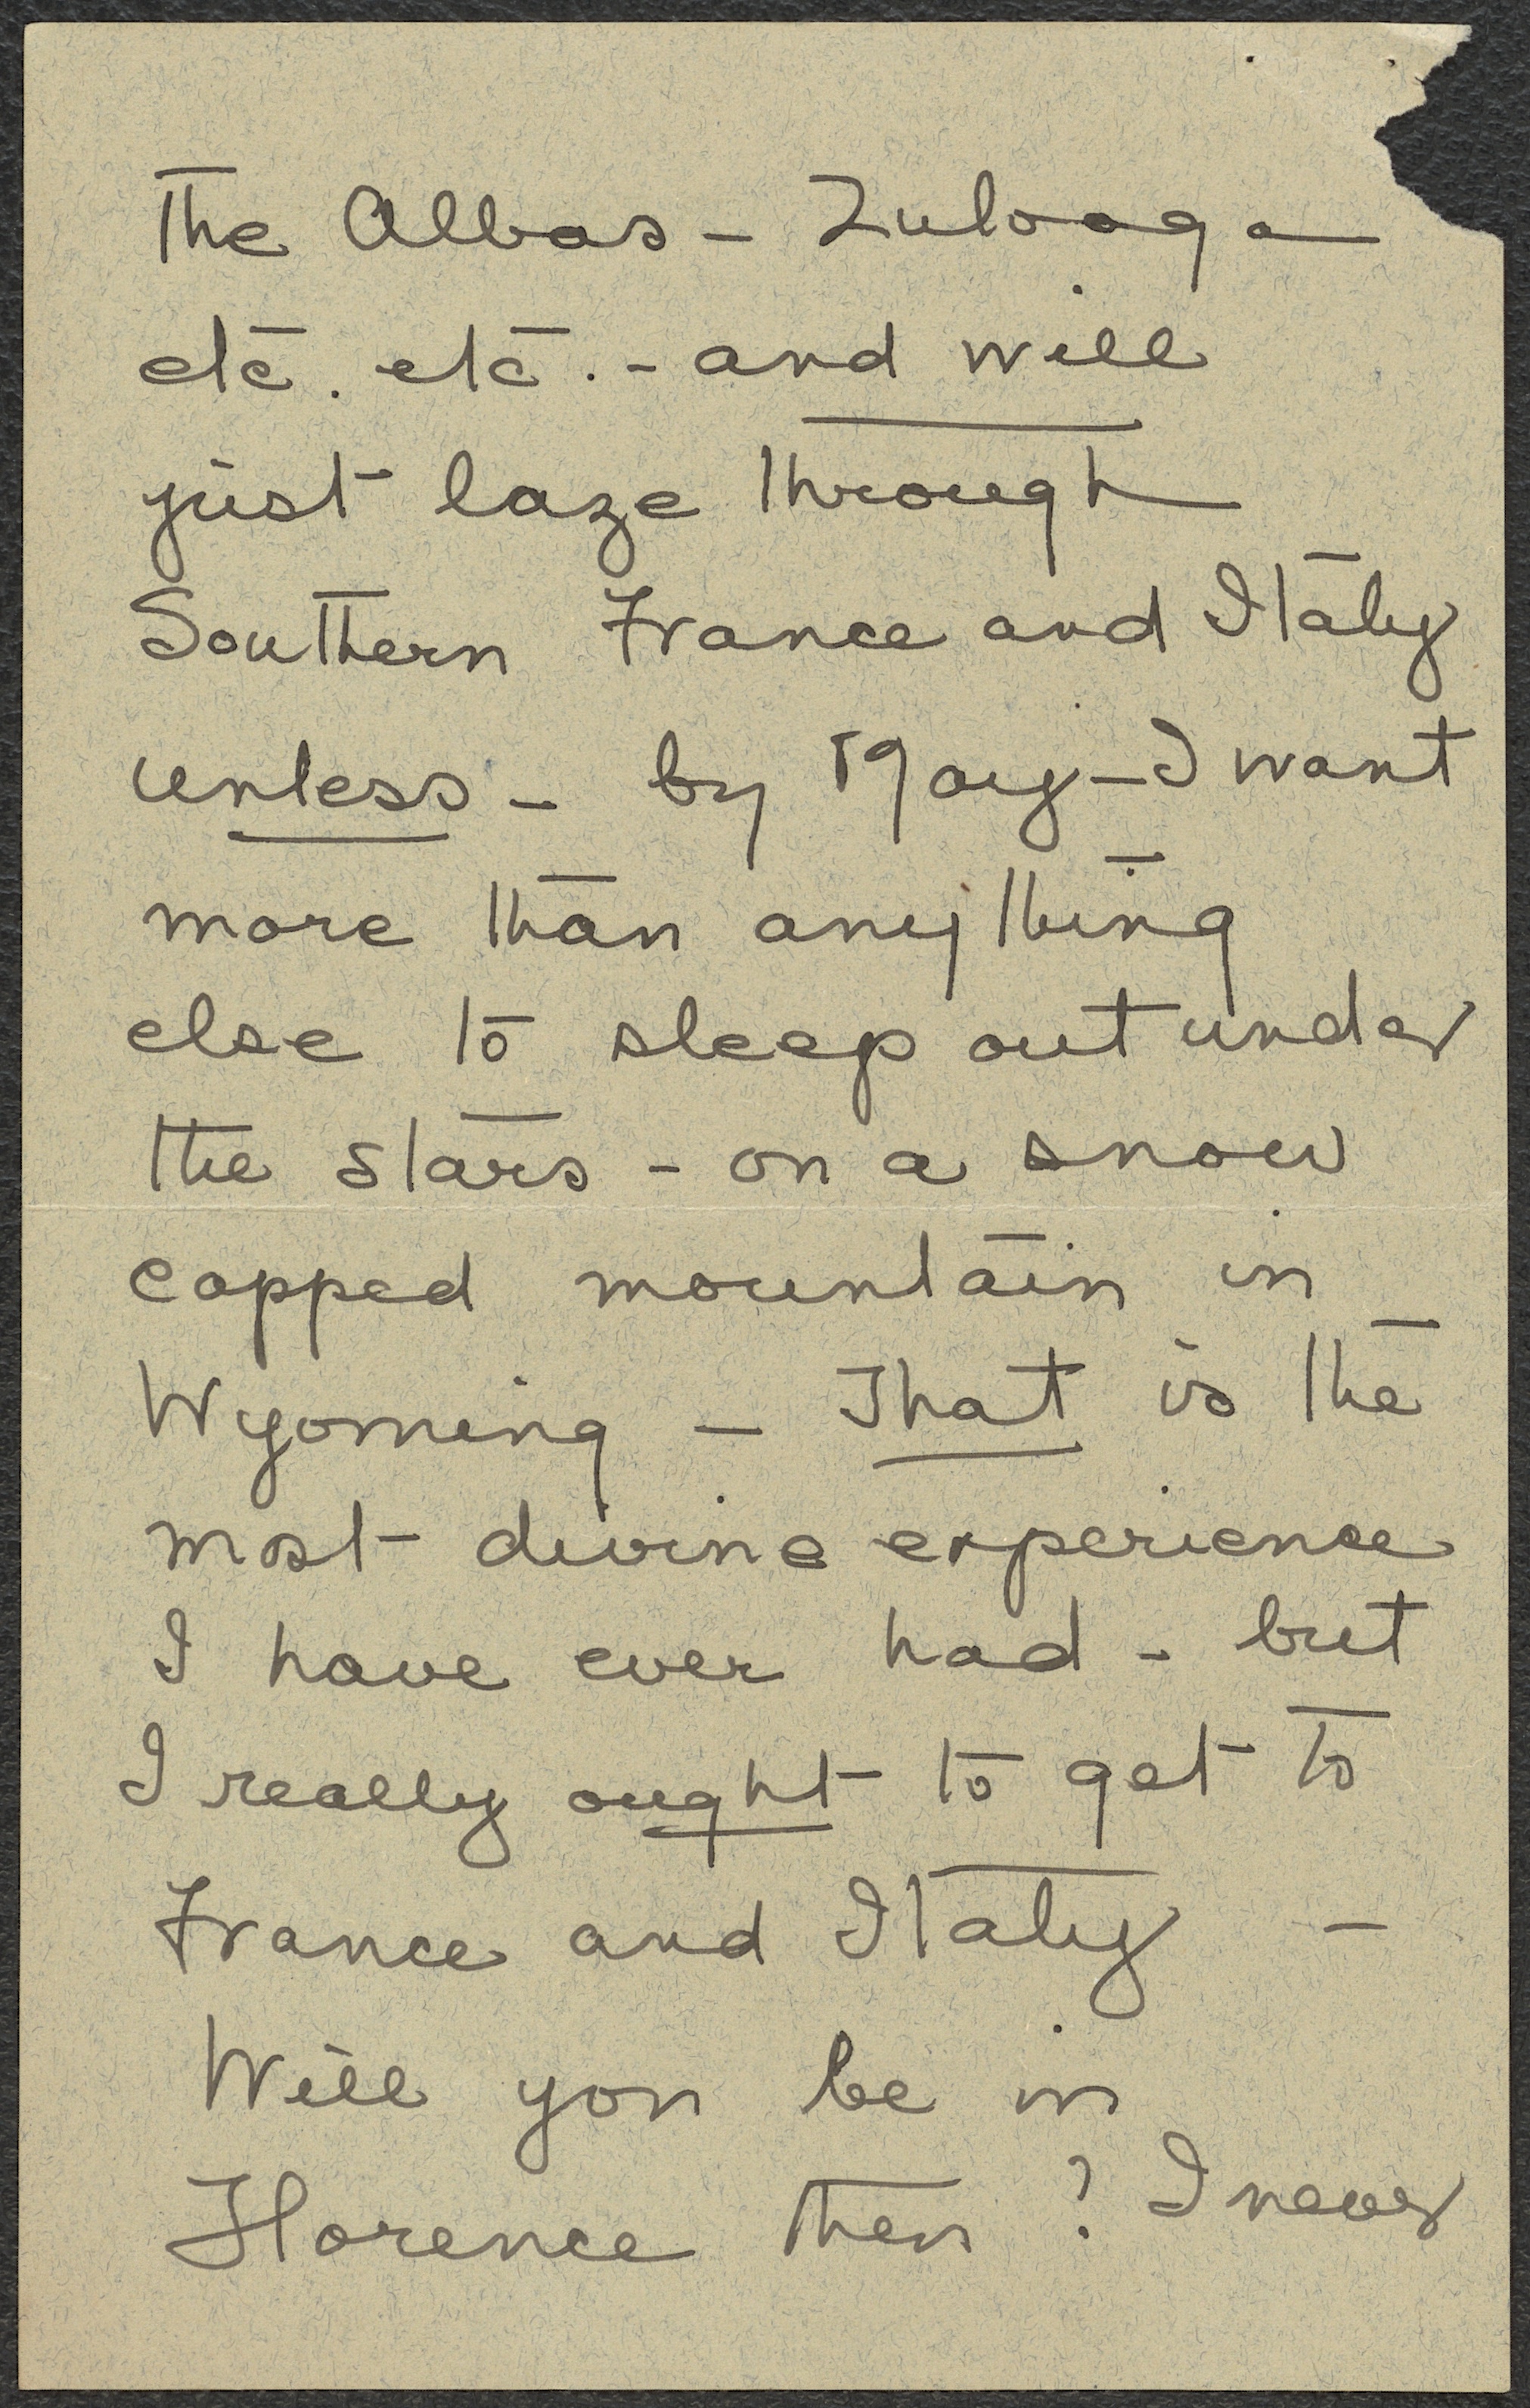the Albas – Zuloaga – etc. etc. – and will just laze through Southern France and Italy unless – by May – I want more than anything else to sleep out under the stars – on a snow capped mountain in Wyoming – That is the most divine experience I have ever had – but I really ought to get to France and Italy – Will you be in Florence then? I never